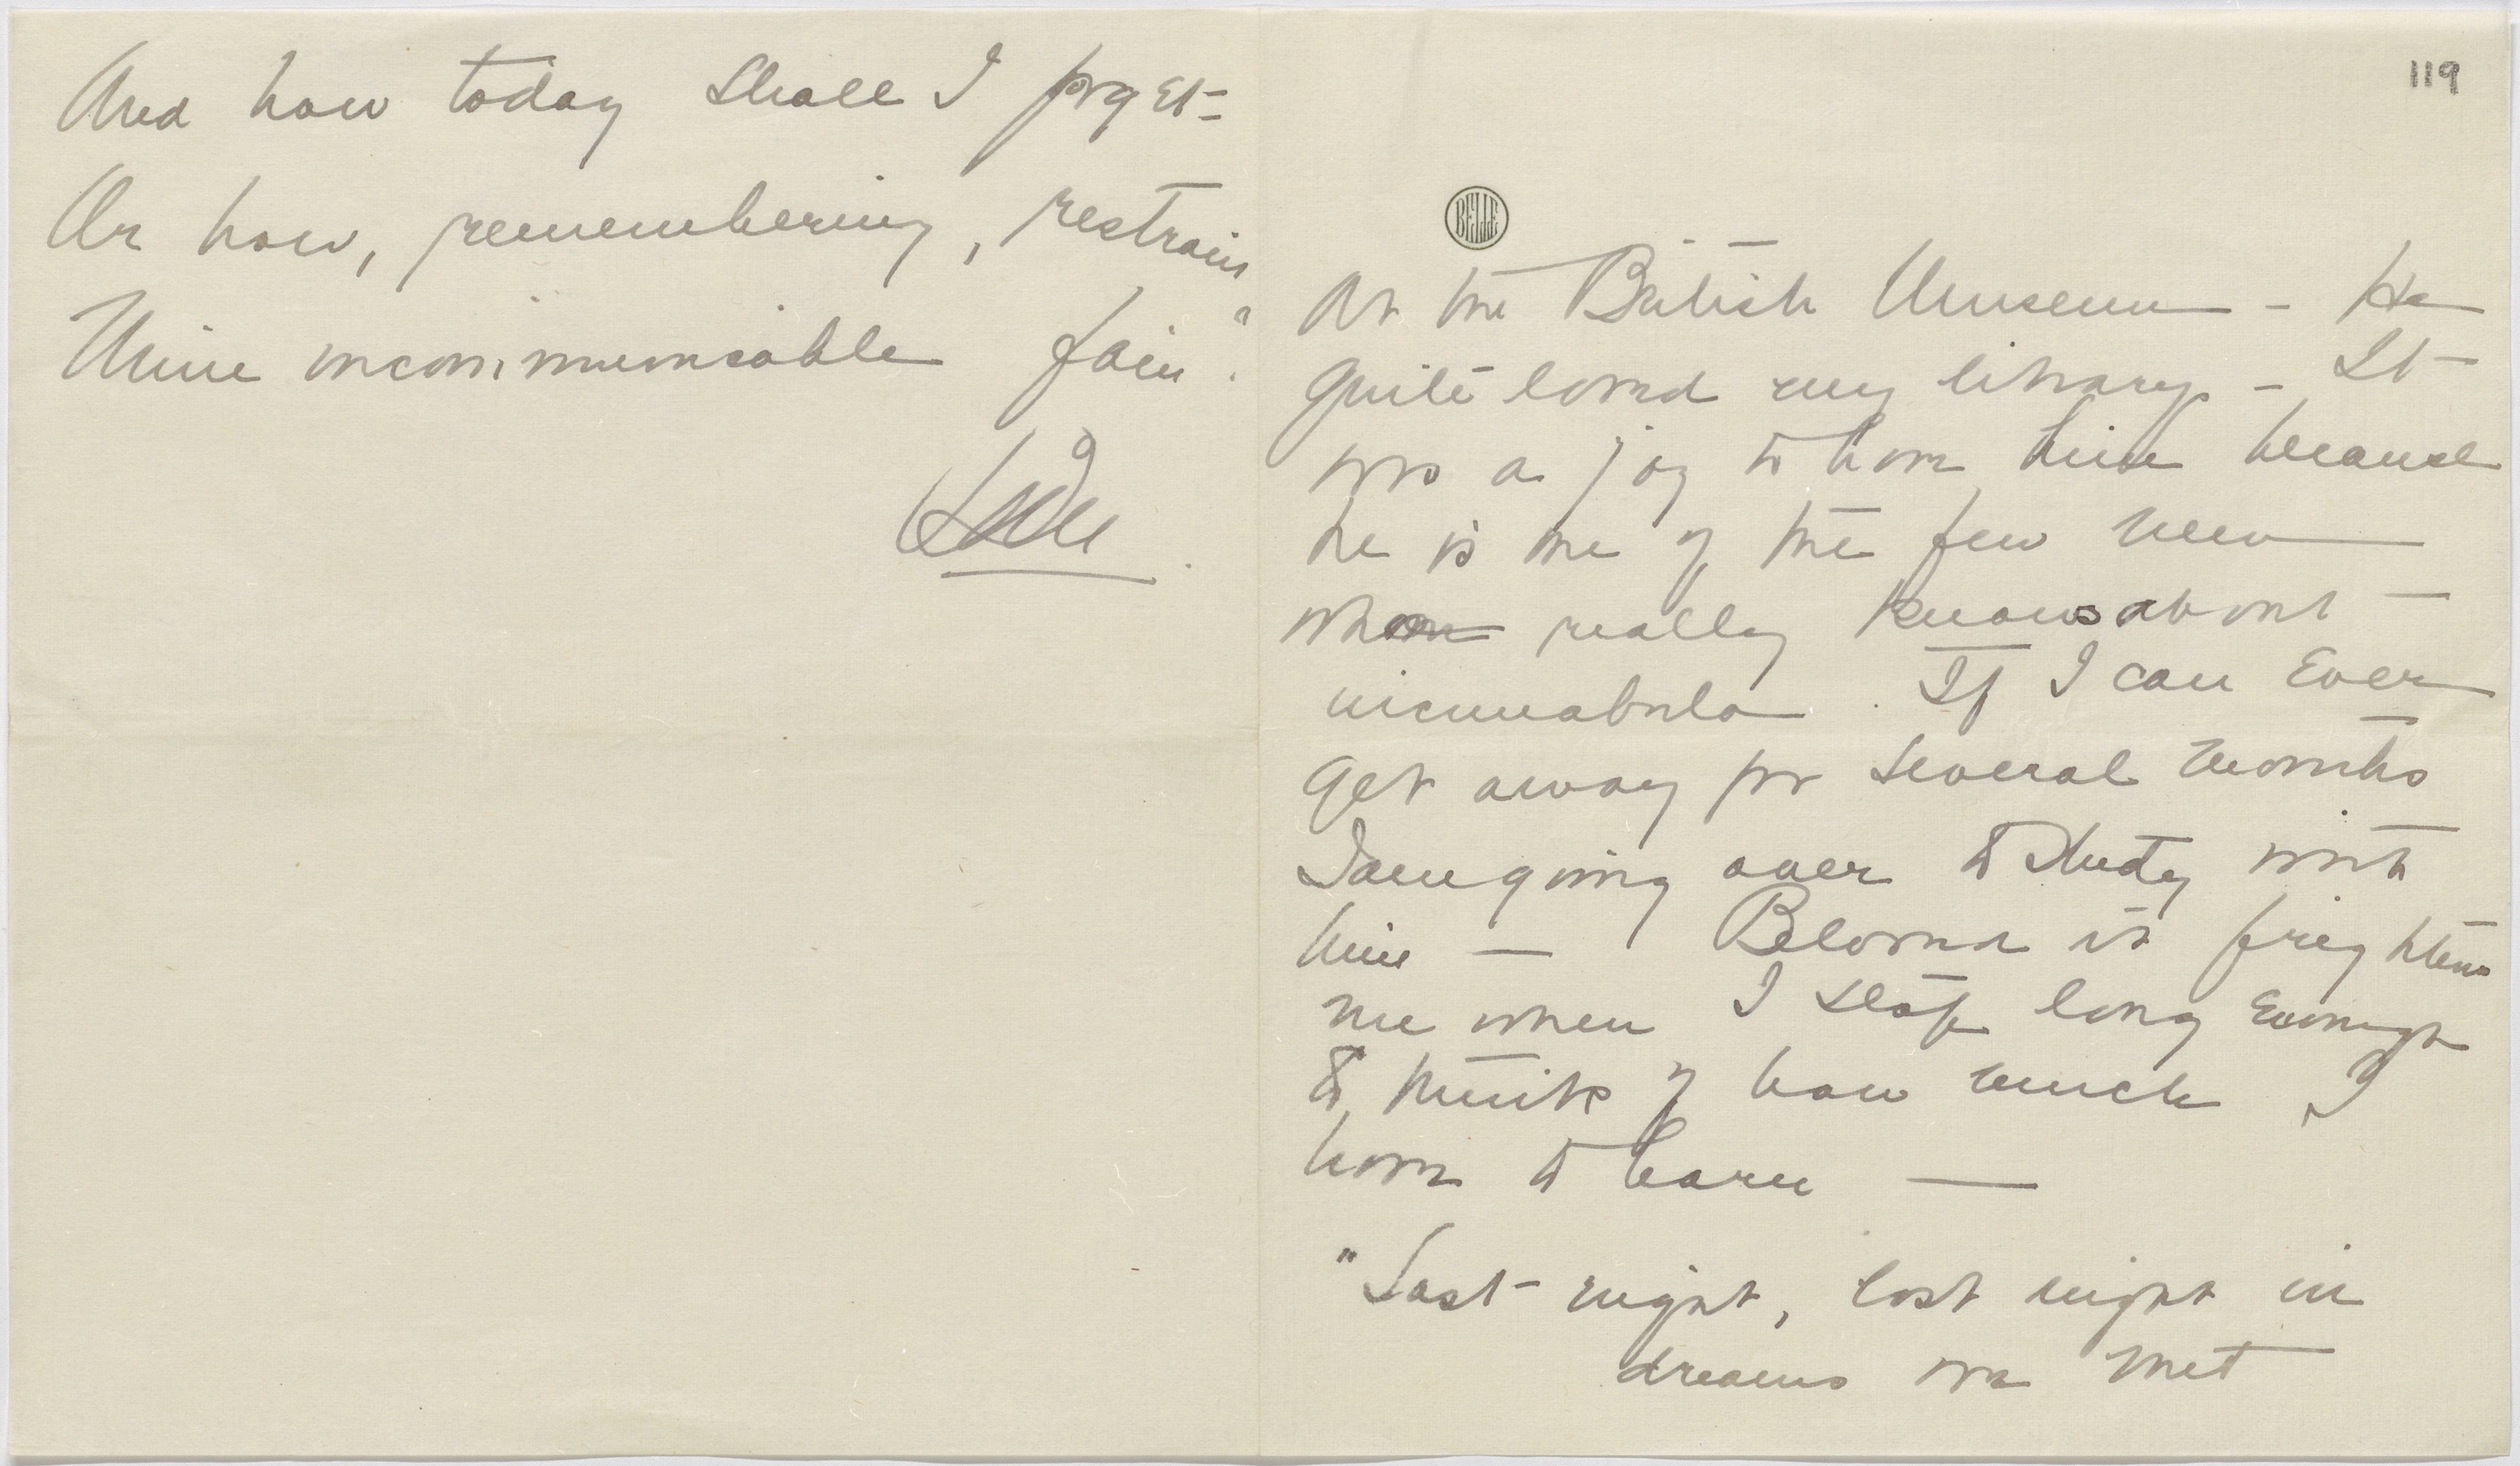at the British Museum – he quite loved my library – It was a joy to have him because he is one of the few men whom really knows about incunabula. If I can ever get away for several months I am going over to study with him – Beloved it frightens me when I stop long enough to think of how much I have to learn –
“Last night, last night in dreams we met
And how today shall I forget
Or how, remembering, restrain
Mine incommunicable pain?
Belle.